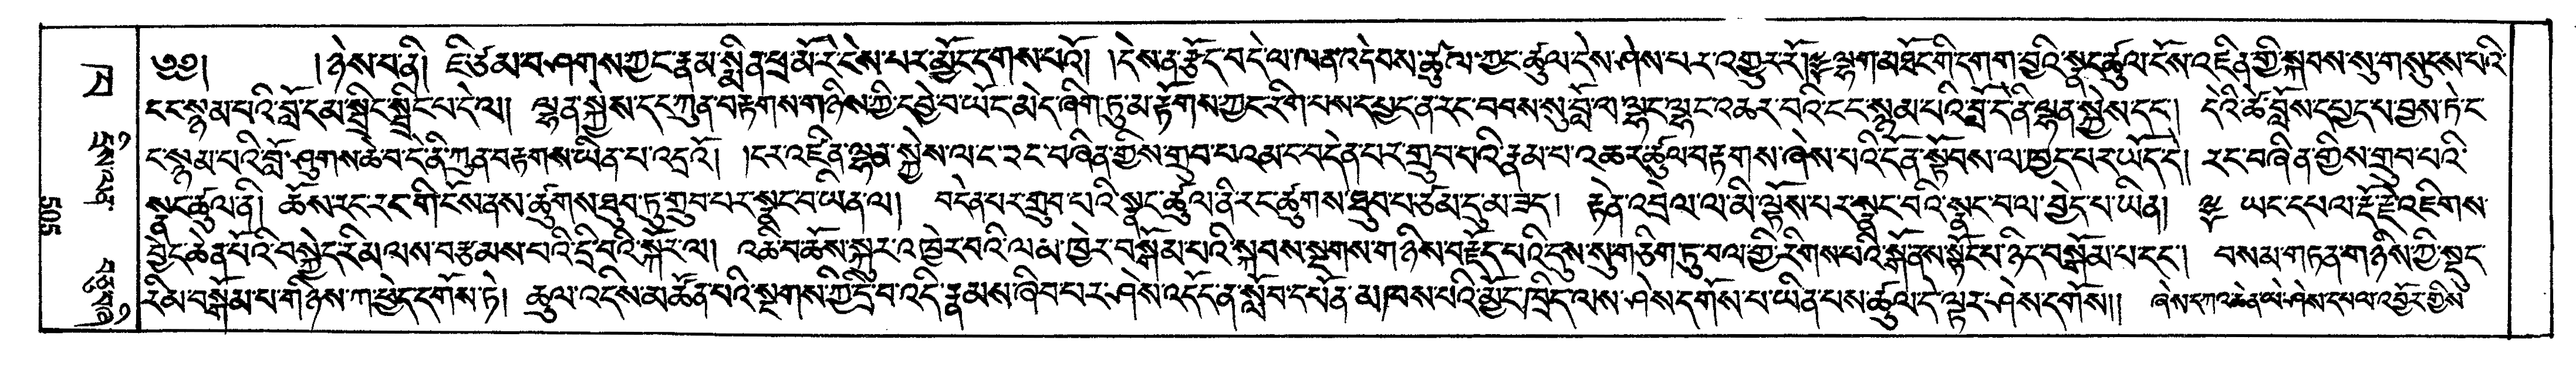༄༅། །ཉེས་པ་ནི། ཇི་ཙམ་བཤགས་ཀྱང་རྣམ་སྨིན་ཕྲ་མོ་རེ་ངེས་པར་མྱོང་དགོས་བའོ། །དེས་ན་རྩོད་པ་དེ་ལ་ལན་འདེབས་ཚུལ་ཀྱང་ཚུལ་དེས་ཤེས་པར་འགྱུར་རོ།། ༈ ལྷག་མཐོང་གི་དགག་བྱའི་སྣང་ཚུལ་ངོས་འཛིན་གྱི་སྐབས་སུ་གསུགནས་པའི་
དང་སྙམ་པའི་བློ་དམ་སྦྲིང་སྦྲིང་བ་དེ་ལ། ལྷན་སྐྱེས་དང་ཀུན་བརྟགས་གཉིས་ཀྱི་དབྱེ་བ་ཡོད་མེད་ཞིབ་ཏུ་མ་རྟོགས་ཀྱང་རིག་པས་དཔྱད་ན་རང་བབས་སུ་བློ་ལ་ལྷང་ལྷང་འཆར་བའི་ད་ད་སྙམ་པའི་བློ་དེ་ནི་ལྷན་སྐྱེས་དང་། དེའི་ཆོ་བློས་དཔྱད་པ་བྱས་ཏེ་ད་
ང་སྙམ་པའི་བློ་ཤུགས་ཆེ་བ་དེ་ནི་ཀུན་བརྟགས་ཡིན་པ་འདྲའོ། །དར་འཛིན་ལྷན་སྐྱེས་ལ་ང་རང་བཞིན་གྱིས་གྲུབ་པའམ་ད་བདེན་པར་གྲུབ་པའི་རྣམ་པ་འཆར་ཚུལ་བརྟག་པ་ཞེས་པའི་དོན་སྟོབས་ལ་ཁྱད་པར་ཡོད་དེ། རང་བཞིན་གྱིས་གྲུབ་པའི་
སྣང་ཚུལ་ནི། ཆོས་རང་རང་གི་ངོས་ནས་ཚུགས་ཐུབ་ཏུ་གྲུབ་པར་སྣང་བ་ཡིན་ལ། བདེན་པར་གྲུབ་པའི་སྣང་ཚུལ་ནི་རང་ཚུགས་ཐུབ་པ་ཙམ་དུ་མ་ཟད། རྟེན་འབྲེལ་ལ་མི་ལྟོས་པར་སྣང་བའི་སྣང་བ་ལ་བྱེད་པ་ཡིན། ༈ ཡང་དཔལ་རྡོ་རྗེ་འཇིགས་
བྱེད་ཆེན་པོའི་བསྐྱེད་རིམ་ལས་བརྩམས་པའི་དྲི་བའི་སྐོར་ལ། འཆི་བ་ཆོས་སྐུར་འཁྱེར་བའི་ལམ་ཁྱེར་བསྒོམ་པའི་སྐབས་སྔགས་གཉིས་བརྗོད་པའི་དུས་སུ་གཅིག་དུ་བྲལ་གྱི་རིགས་པའི་སྒོ་ནས་སྟོང་བ་ཉིད་བསྒོམ་པ་དང་། བསམ་གཏན་གཉིས་ཀྱི་སྡུད་
རིམ་བསྒོམ་པ་གཉིས་ཀ་བྱེད་དགོས་ཏེ། ཚུལ་འདིས་མཚོན་པའི་སྡགས་ཀྱི་དྲི་བ་འདི་རྣམས་ཞིབ་པར་ཤེས་འདོད་ན་སློབ་དཔོན་མཁས་པའི་མྱོང་ཁྲིད་ལས་ཤེས་དགོས་པ་ཡིན་པས་ཚུལ་དེ་ལྟར་ཤེས་དགོས།། ཞེས་དཀའ་ཆེན་ཡེ་ཤེས་དབལ་འབྱོར་གྱིས་